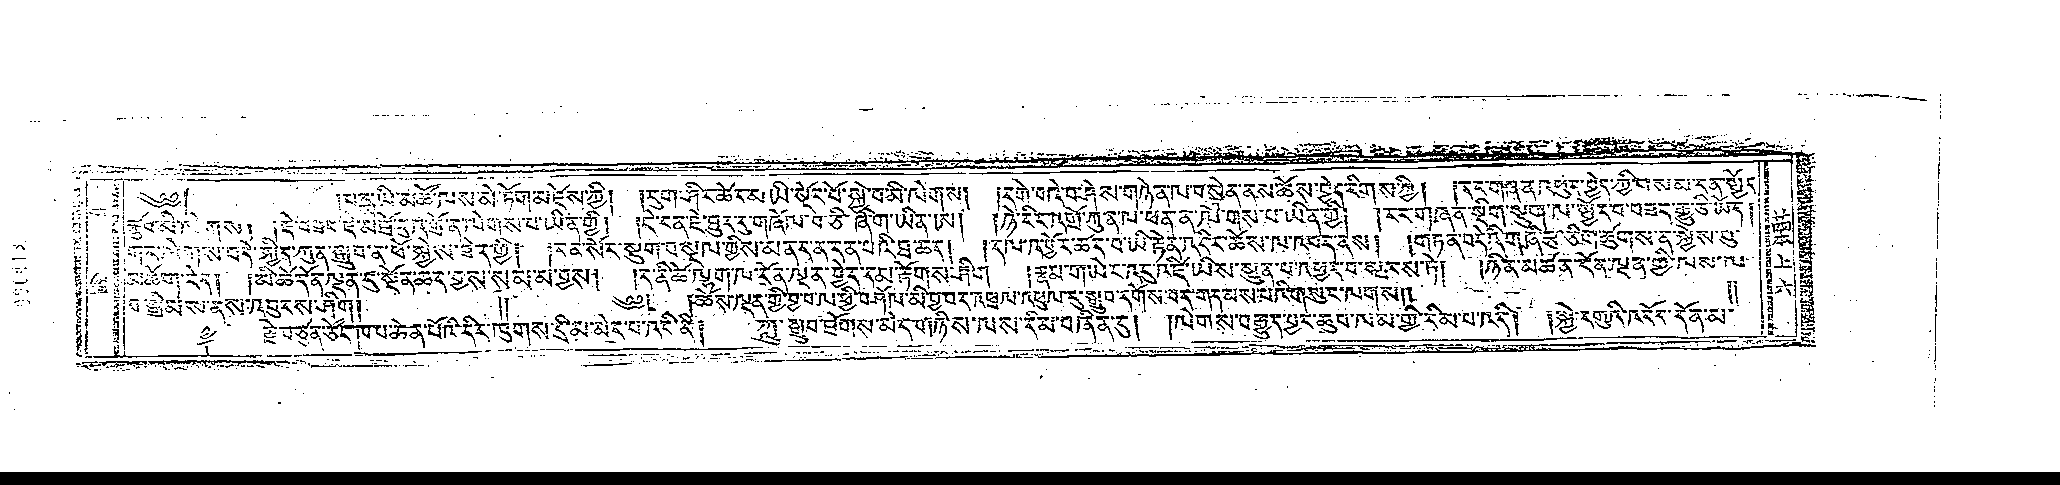༄༅། །པདམ་ཡི་མཚོ་ལས་མེ་ཏོག་མཛེས་ཀྱི། །དུག་ཤིང་ཚེར་མ་ཡི་སྡོང་པོ་སྐྱ་བ་མི་ལེགས། །དགེ་བའི་བཤེས་གཉེན་ལ་བསྟེན་ནས་ཆོས་བྱེད་རིགས་ཀྱི། །དང་གཞན་འཕུང་བྱེད་ཀྱི་བསམ་ངན་སྤྱོད་
རྩུབ་མི་སྟགས། །ཇེ་བཟང་ཇེ་མཐོ་དུ་འགྲོན་ལེགས་པ་ཡིན་གྱི། །ཇེ་ངན་ཇེ་ཐུང་དུ་གཞེལ་བ་ཅི་ཞིག་ཡིན་ལ། །ཉེ་རིང་འགྲོ་ཀུན་ལ་ཕན་ན་ལེགས་པ་ཡིན་གྱི། །རང་གཞན་སྡིག་སྡུག་ལ་སྦྱོད་པོ་བཟད་རྒྱུ་ཅི་ཡོད།
གང་ལེགས་བདེ་སྐྱིད་ཀུན་སྒྲུབ་ན་ཕོ་སྐྱེས་ཟེར་གྱི། །ངན་སོང་སྡུག་བསྔལ་གྱིས་མངན་ན་ངན་པའི་ཐ་ཆད། །ང་ལ་འབྱོར་ཚང་བ་ཡི་རྟེན་འདིར་ཆོས་ལ་འབབ་ནས། །གཏན་བདེའི་གཞི་རྩ་ཅིག་ཚུགས་ན་སྐྱེས་བུ་
མཆོག་རེད། །མི་ཚེ་དོན་ལྡན་དུ་སྔོན་ཆད་བྱས་ས་མམ་བྱས། །ང་ནི་ཚེ་ལྷག་ལ་དོན་ལྡན་བྱེད་དམ་རྟོགས་ཤིག །རྣམ་གཡེང་འདུ་འཛིན་ཡིས་སྤུན་པ་འཕྱད་བ་སྤངས་ཏེ། །ཉིན་མཚན་དོན་ལྡན་གྱི་ལས་ལ་
བསྒྲིམས་ནས་འབུངས་ཤིག། །། ༄༅། །ཆོས་ལྡན་གྱི་བྱ་བ་ལ་ཕྱི་བཤོལ་མི་བྱ་བར་འཕྲལ་འཕྲུལ་དུ་སྒྲབ་དགོས་པར་གདམས་པའི་གསུང་ལགས།། །།
༈ རྗེ་བཙུན་ཙོང་ཁ་པ་ཆེན་པོའི་རིང་ལུགས་དྲི་མ་མེད་པ་འདི་ནི། ཀླུའི་གྲུབ་ཐོགས་མེད་གཉིས་ལས་རིམ་བཞིན་དུ། །ལེགས་བརྒྱུད་བྱང་ཆུབ་ལམ་གྱི་རིམ་པ་འདི། །སྐྱེ་དགུའི་འདོད་དོན་མ་